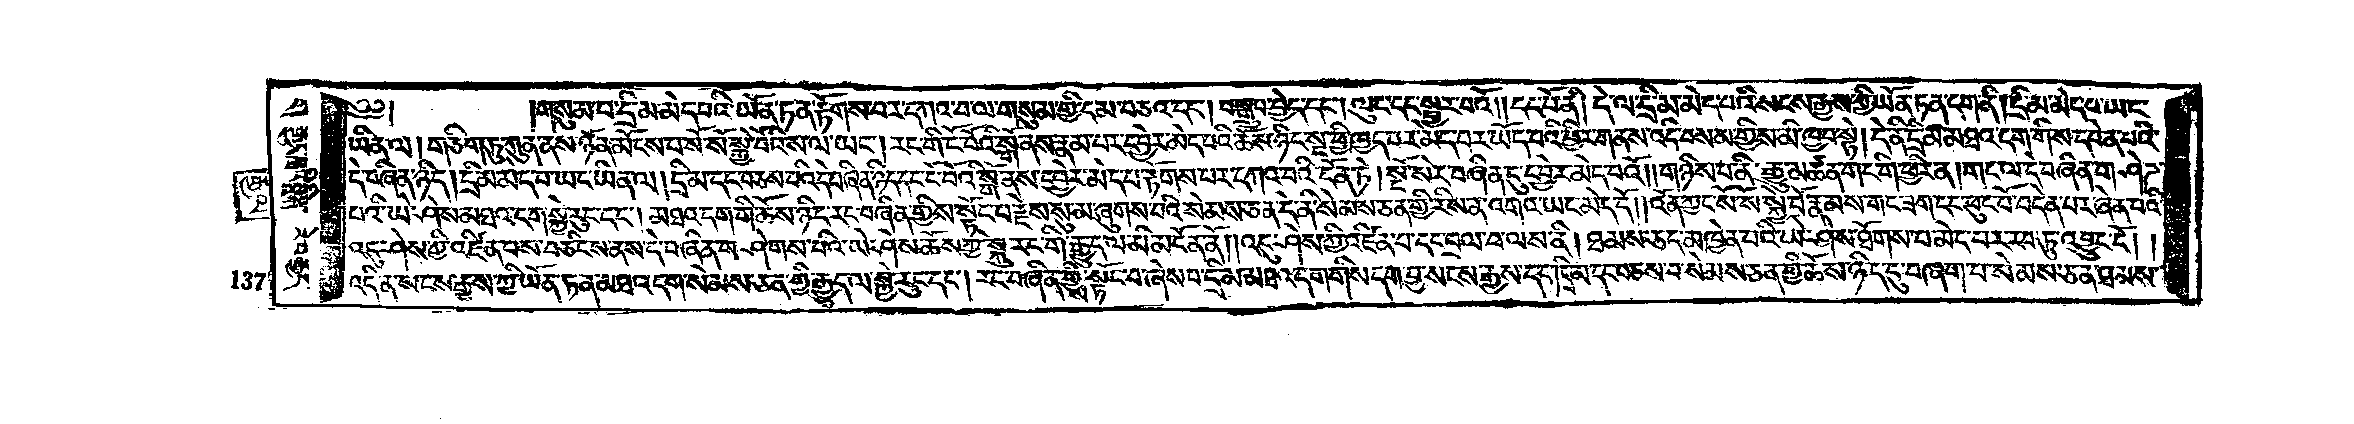༄༅། །གསུམ་པ་དྲི་མ་མེད་པའི་ཡོན་ཏན་རྟོགས་པར་དཀའ་བ་ལ་གསུམ་གྱི་དམ་བཅའ་དང་། བསྒྲུབ་བྱེད་དང་། ལུང་དང་སྦྱར་བའོ། །དང་པོ་ནི། དེ་ལ་དྲི་མ་མེད་པའི་སངས་རྒྱས་ཀྱི་ཡོན་ཏན་དག་ནི། དྲི་མ་མེད་པ་ཡང་
ཡིན་ལ། གཅིག་ཏུ་ཀུན་ནས་ཉོན་མོངས་པ་སོ་སོ་སྐྱེ་བོའི་ས་ལ་ཡང་། རང་གི་ངོ་བོའི་སྒོ་ནས་རྣམ་པར་དབྱེར་མེད་པའི་ཆོས་ཉིད་སྔ་ཕྱི་ཁྱད་པར་མེད་པར་ཡོད་པའི་ཕྱིར་གནས་འདི་བསམ་གྱིས་མི་ཁྱབ་སྟེ། དེ་ནི་དྲི་མ་མཐའ་དག་གིས་དབེན་པའི་
དེ་བཞིན་ཉིད། དྲི་མ་མེད་པ་ཡང་ཡིན་ལ། དྲི་མ་དང་བཅས་པའི་དེ་བཞིན་ཉིད་དང་ངོ་བོའི་སྒོ་ནས་དབྱེར་མེད་པ་རྟོགས་པར་དཀའ་བའི་དོན་ཏེ། སྔོ་སེར་བཞིན་དུ་དབྱེར་མེད་པའོ། །གཉིས་པ་ནི་རྒྱུ་མཚན་གང་གི་ཕྱིར་ན། གང་ལ་དེ་བཞིན་གཤེགས་
པའི་ཡེ་ཤེས་མཐའ་དག་སྐྱེ་རུང་དང་། མཐའ་དག་གི་ཆོས་ཉིད་རང་བཞིན་གྱིས་སྟོང་པ་རྗེས་སུ་མ་ཞུགས་པའི་སེམས་ཅན་དེ་ནི་སེམས་ཅན་གྱི་རིས་ན་འགའ་ཡང་མེད་དོ། །འོན་ཀྱང་སོ་སོ་སྐྱེ་བོ་རྣམས་གང་ཟག་དང་ཕུང་པོ་བདེན་པར་ཞེན་པའི་
འདུ་ཤེས་ཀྱི་འཛིན་པས་བཅིངས་ནས་དེ་བཞིན་གཤེགས་པའི་ཡེ་ཤེས་ཆོས་ཀྱི་སྐུ་རང་གི་རྒྱུད་ལ་མི་མངོན་ནོ། །འདུ་ཤེས་ཀྱི་འཛིན་པ་དང་བྲལ་བ་ལས་ནི། ཐམས་ཅད་མཁྱེན་པའི་ཡེ་ཤེས་ཐོགས་པ་མེད་པར་རབ་ཏུ་འབྱུང་ངོ། །
འདི་ན་སངས་རྒྱས་ཀྱི་ཡོན་ཏན་མཐའ་དག་སེམས་ཅན་གྱི་རྒྱུད་ལ་སྐྱེ་རུང་དང་། རང་བཞིན་གྱིས་སྟོང་པ་ཞེས་པ་དྲི་མ་མཐའ་དག་གིས་དག་བྱ་སངས་རྒྱས་དང་། དྲི་མ་དང་བཅས་པ་སེམས་ཅན་གྱི་ཆོས་ཉིད་དུ་བཞག་པ་སེམས་ཅན་ཐམས་